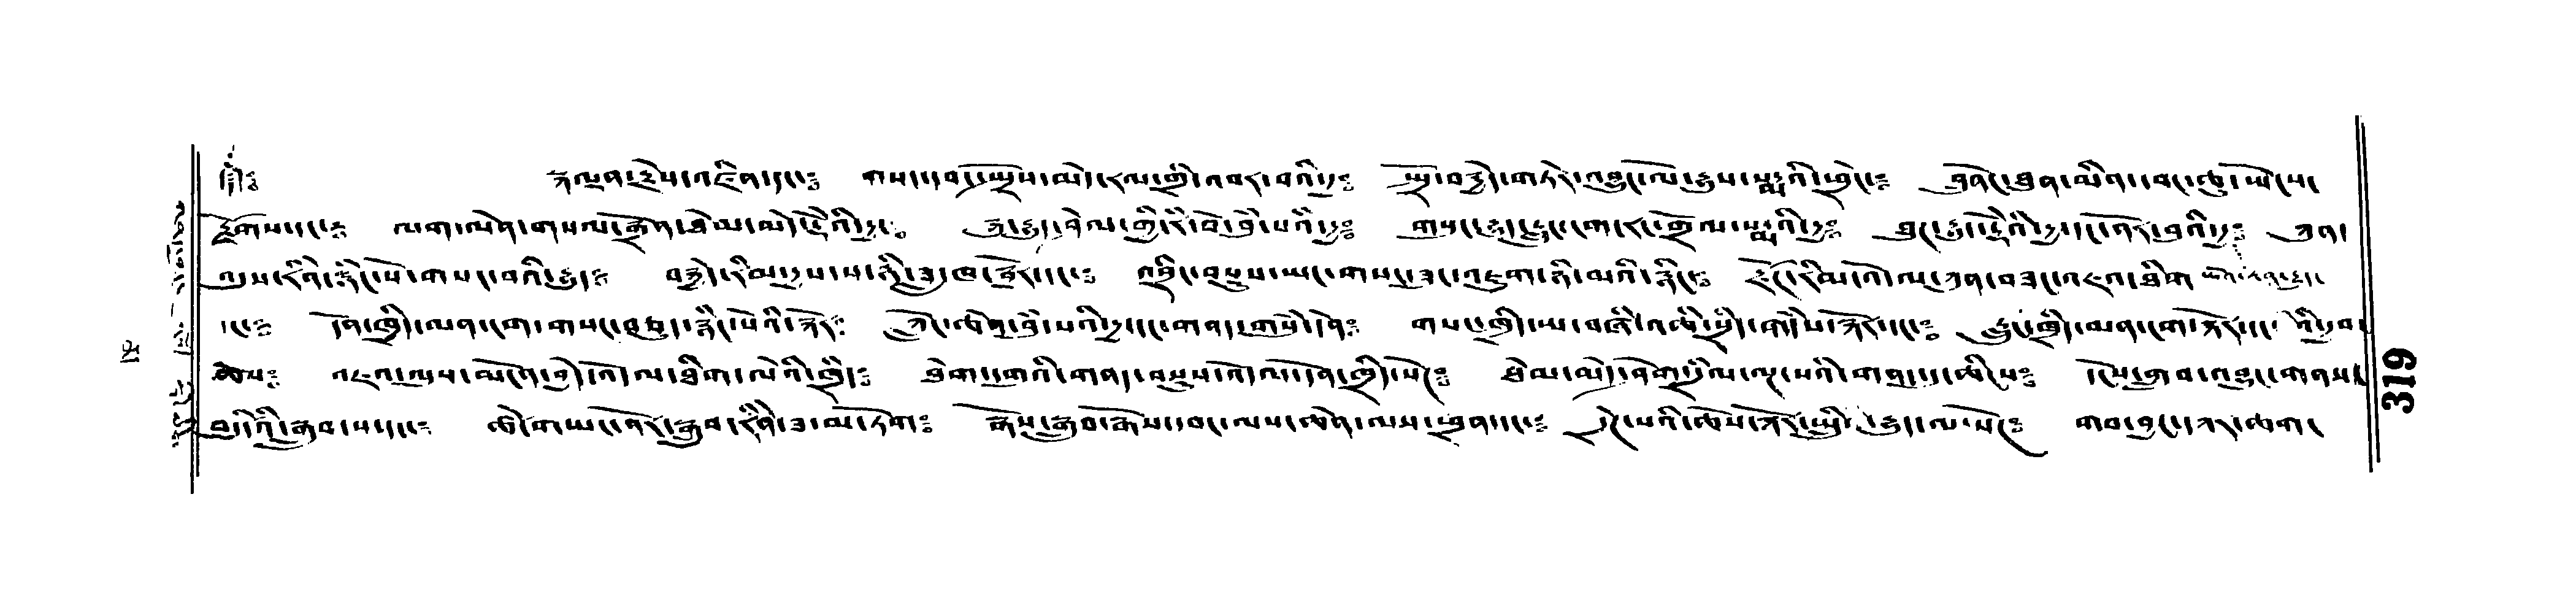སྐལ་ལྡན་རྗེས་འཛིན་དང༔ གསང་དབང་སྤྲོས་མེད་རལ་གྲི་འབར་བའི་རྒྱ༔ སྤྲོ་བསྐྱེད་གཏེར་འབྱུང་ལོ་རྒྱུས་པདྨའི་ཕྲེང༔ ཐུན་མོང་ཐུན་མིན་དབང་ཆུ་ཡོངས་
རྫོགས་དང༔ ལག་ལེན་གསལ་སྒྲོན་ཐེམ་མེད་རྡོ་རྗེའི་རྒྱ༔ སྐུ་རྒྱུད་ཤེལ་གྱི་རི་བོ་བུམ་པའི་རྒྱ༔ གསུང་རྒྱུད་རླུང་ངག་རང་གྲོལ་པདྨའི་རྒྱ༔ ཐུགས་རྒྱུད་རྡོ་རྗེའི་རྒྱ་དང་ནོར་བུའི་རྒྱ༔ ཀུན་
འདུས་རིན་ཆེན་སྙིང་པོ་གསང་བའི་རྒྱུད༔ བསྐྱེད་རིམ་རྒྱས་པ་ཉི་ཟླ་ཁ་སྦྱོར་དང༔ འབྲིང་བསྡུས་ཡང་གསང་ཟུང་འཇུག་ཉི་མའི་སྙིང༔ རྫོགས་རིམ་འོད་གསལ་ཀུན་བཟང་འཇའ་ཐིག་
དང༔ དོན་ཁྲིད་མན་ངག་གསང་བཅུད་སྙིང་པོའི་སྐོར༔ ཀློང་ཆེན་བུམ་པའི་རྒྱ་དང་གནད་གསུམ་དོན༔ གསང་ཁྲིད་ཡ་བཞི་འཆི་སྲིད་གདམས་སྐོར་དང༔ རླུང་ཁྲིད་མན་ངག་སྐོར་དང་དེའི་རྒྱབ་
ཆོས༔ འཇའ་ལུས་མངོན་བྱེད་འོད་གསལ་ཐིག་ལེའི་ཁྲིད༔ ཐེག་དགུའི་གནད་བསྡུས་འོད་གསལ་དོན་ཁྲིད་སོགས༔ ཐེམ་མེད་ཤོག་དྲིལ་ལྔ་པའི་གནད་དུ་ཆིངས༔ དངོས་གྲུབ་འབྱུང་གནས་
བདུད་རྩིའི་སྒྲུབ་པ་དང༔ ཚེ་གཡང་ནོར་སྒྲུབ་རིན་ཆེན་ཟ་མ་ཏོག༔ སྒོས་སྒྲུབ་སྒོས་དབང་ལས་ཆེན་ལས་ཕྲན་དང༔ དྲེགས་པའི་ཆོས་སྐོར་སྤུ་གྲིའི་རྒྱུད་ལ་སོགས༔ གབ་བྱང་དཀར་ཆག་